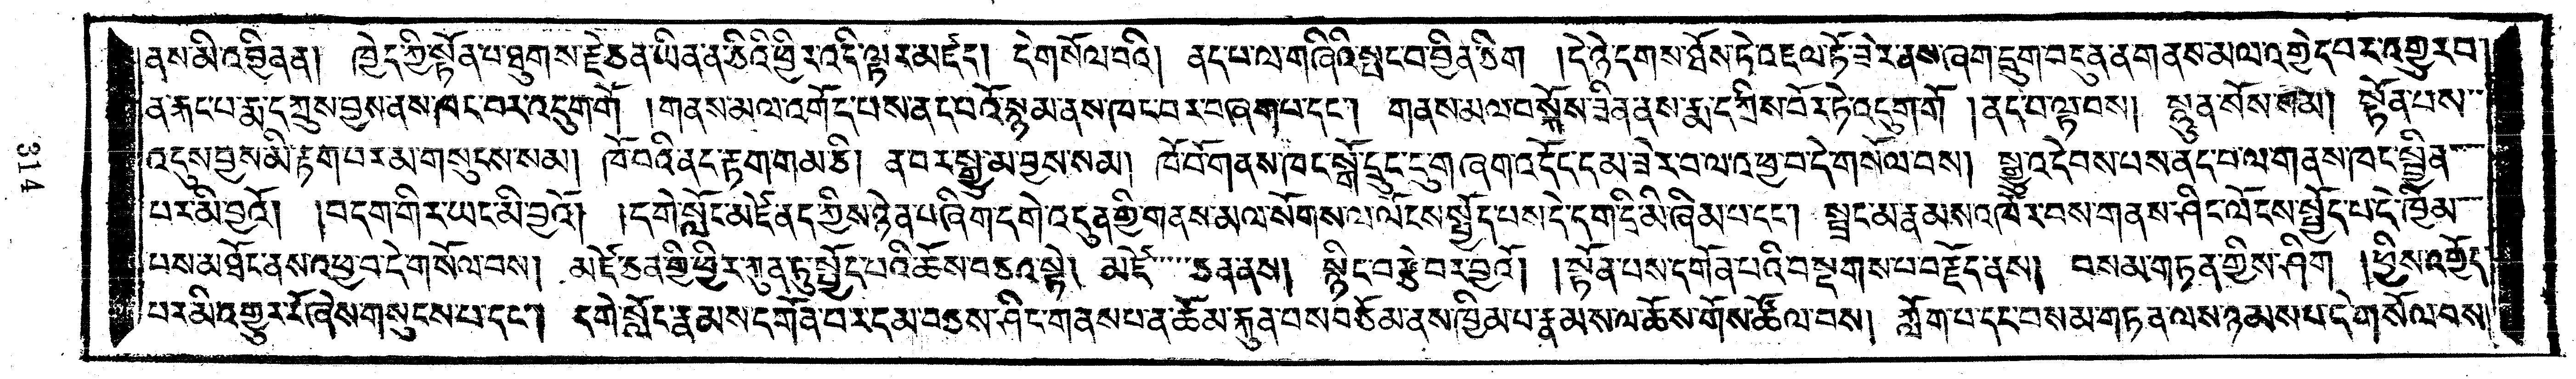ནས་མི་འབྱིན་ན། ཁྱེད་ཀྱི་སྟོན་པ་ཐུགས་རྗེ་ཅན་ཡིན་ན་ཅིའི་ཕྱིར་འདི་ལྟར་མཛད། དེ་གསོལ་བའི། ནད་པ་ལ་གཞིའི་སྤང་བ་བྱིན་ཅིག །དེ་ཉེ་དགས་ཐོས་ཏེ་འཇལ་ཏོ་ཟེར་ནས་ཞག་དྲུག་བདུན་ན་གནས་མལ་འགྱེད་པར་འགྱུར་བ་
ན་རྐང་པ་རྨ་དཀྲུས་བྱས་ནས་ཁང་བར་འདུག་གོ །གནས་མལ་འགོད་པས་ནད་པའོ་སྙམ་ནས་ཁང་བར་བཞག་པ་དང་། གནས་མལ་བསྐོས་ཟིན་ནས་རྨ་དཀྲིས་བོར་ཏེ་འདུག་གོ །ནད་པ་ལྟ་བས། སྙུན་སོས་སམ། སྟོན་པས་
འདུས་བྱས་མི་རྟག་པར་མ་གསུངས་སམ། ཁོ་བའི་ནང་རྟག་གམ་ཅི། ན་བར་སྒྱུ་མ་བྱས་སམ། ཁོ་བོ་གནས་ཁང་སྒོ་དྲུང་དུ་གཞག་འདོད་དམ་ཟེར་བ་ལ་འཕྱ་བ་དེ་གསོལ་བས། སྒྱུ་འདེབས་པས་ནང་བ་ལ་གནས་ཁང་སྦྱིན་
པར་མི་བྱའོ། །བདག་གིར་ཡང་མི་བྱའོ། །དགེ་སློང་མཛེ་ནད་ཀྱིས་ཉེན་པ་ཞིག་དགེ་འདུན་གྱི་གནས་མལ་སོགས་ལ་ལོངས་སྤྱོད་པས་དེ་དག་དྲི་མི་ཞིམ་པ་དང་། སྦྲང་མ་རྣམས་འཁོར་བས་གནས་ཤིང་ལོངས་སྤྱོད་པ་དེ་ཁྱིམ་
པས་མཐོང་ནས་འཕྱ་བ་དེ་གསོལ་བས། མཛེ་ཅན་གྱི་ཕྱིར་ཀུན་ཏུ་སྤྱོད་པའི་ཆོས་བཅའ་སྟེ། མཛེ་ཅན་ནས། སྙིང་བརྩེ་བར་བྱའོ། །སྟོན་པས་དགོན་པའི་བསྔགས་པ་བརྗོད་ནས། བསམ་གཏན་གྱིས་ཤིག །ཕྱིས་འགྱོད་
པར་མི་འགྱུར་རོ་ཞེས་གསུངས་པ་དང་། དགེ་སློང་རྣམས་དགོན་པར་དམ་བཅས་ཤིང་གནས་པ་ན་ཆོམ་རྐུན་པས་བཅོམ་ནས་ཁྱིམ་པ་རྣམས་ལ་ཆོས་གོས་ཚོལ་བས། ཀློག་པ་དང་བསམ་གཏན་ལས་ཉམས་པ་དེ་གསོལ་བས་